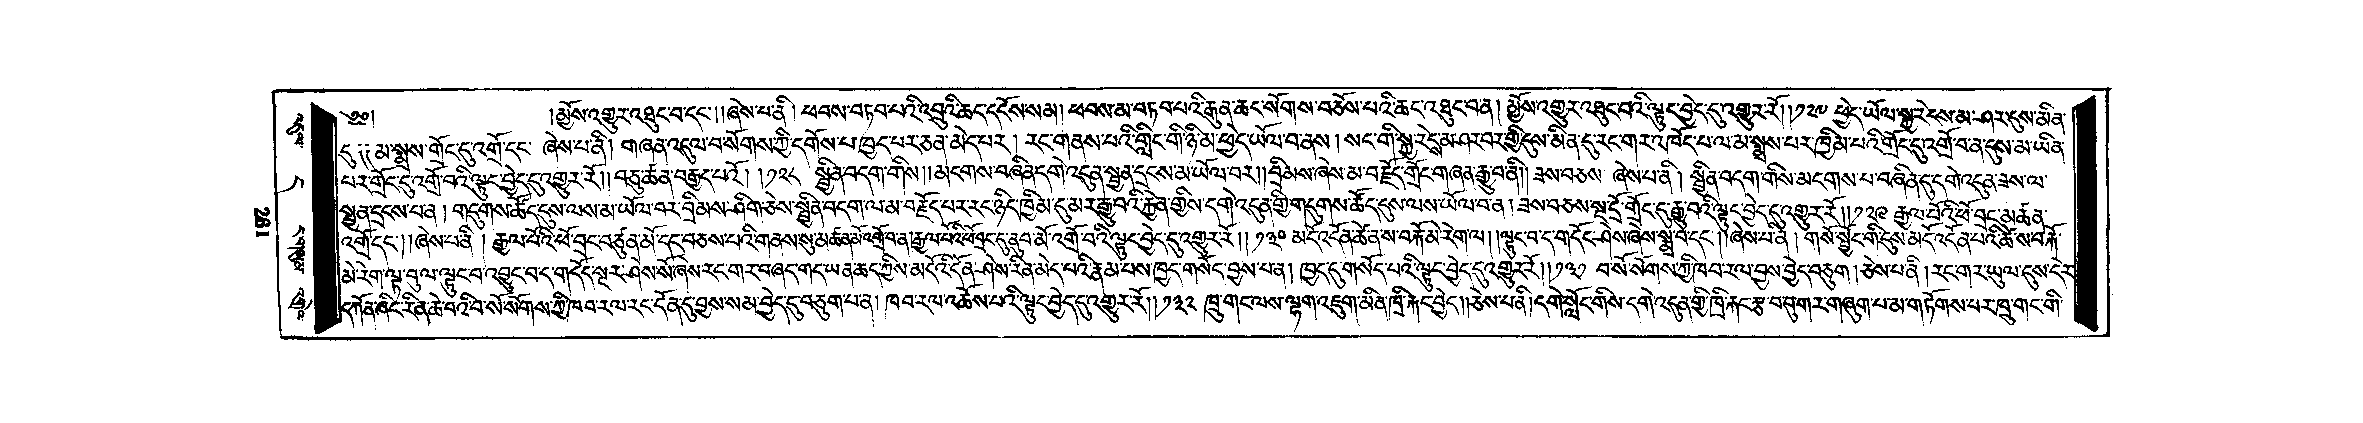༄༅། །མྱོས་འགྱུར་འཐུང་བ་དང་། །ཞེས་པ་ནི། ཕབས་བཏབ་པའི་འབྲུའི་ཆད་དངོས་སམ། ཕབས་མ་བཏབ་པའི་རྒུན་ཆང་སོགས་བཅོས་པའི་ཆང་འཐུང་བ་ན། མྱོས་འགྱུར་འཐུང་བའི་ལྟུང་བྱེད་དུ་འགྱུར་རོ། །ཕྱེད་ཡོལ་སྐྱ་རེངས་མ་ཤར་དུས་མིན་
དུ། །མ་སྨྲས་གྲོང་དུ་འགྲོ་དང་ཞེས་པ་ནི། གཞན་འདུལ་བ་སོགས་ཀྱི་དགོས་པ་ཁྱད་པར་ཅན་མེད་པར། རང་གནས་པའི་གླིང་གི་ཉི་མ་ཕྱེད་ཡོལ་བ་ནས། སང་གི་སྐྱ་རེངས་མ་ཤར་བར་གྱི་དུས་མིན་དུ་རང་གར་འཁོད་པ་ལ་མ་སྨྲས་པར་ཁྱིམ་པའི་གྲོང་དུ་འགྲོ་བ་ན་དུས་མ་ཡིན་
པར་གྲོང་དུ་འགྲོ་བའི་ལྟུང་བྱེད་དུ་འགྱུར་རོ། །བཅུ་ཚན་བརྒྱད་པའོ། །སྦྱིན་བདག་གིས། །མངགས་བཞིན་དགེ་འདུན་སྦྱན་དྲངས་མ་ཡོལ་བར། །བྲིམས་ཞེས་མ་བརྗོད་གྲོང་གཞན་རྒྱུ་བ་ནི། །ཟས་བཅས་ཞེས་པ་ནི། སྦྱིན་བདག་གིས་མངགས་པ་བཞིན་དུ་དགེ་འདུན་ཟས་ལ་
སྤྱན་དྲངས་པ་ན། གདུགས་ཚོད་དུས་ལས་མ་ཡོལ་བར་བྲིམས་ཤིག་ཅེས་སྦྱིན་བདག་ལ་མ་བརྗོད་པར་རང་ཉིད་ཁྱིམ་དུ་མར་རྒྱུ་བའི་རྐྱེན་གྱིས་དགེ་འདུན་གྱི་གདུགས་ཚོད་དུས་ལས་ཡོལ་བ་ན། ཟས་བཅས་སྔ་དྲོ་གྲོང་དུ་རྒྱུ་བའི་ལྟུང་བྱེད་དུ་འགྱུར་རོ། །རྒྱལ་པོའི་ཕོ་བྲང་མཚན་
འགྲོ་དང་། །ཞེས་པ་ནི། རྒྱལ་པོའི་ཕོ་བྲང་བཙུན་མོ་དང་བཅས་པའི་གནས་སུ་མཚན་མོ་འགྲོ་བ་ན། རྒྱལ་པོའི་ཕོ་བྲང་དུ་ནུབ་མོ་འགྲོ་བའི་ལྟུང་བྱེད་དུ་འགྱུར་རོ། །མདོ་འདོན་ཚེ་ན་ས་བརྐོ་མེ་རེག་ལ། །ལྟུང་བ་ད་གདོང་ཤེས་ཞེས་སྨྲ་བ་དང་། །ཞེས་པ་ནི། གསོ་སྦྱོང་གི་དུས་མདོ་འདོན་པའི་ཚེ་ས་བརྐོ་
མེ་རེག་ལྟ་བུ་ལ་ལྟུང་བ་འབྱུང་བ་ད་གདོད་སྔར་ཤེས་སོ་ཞེས་རང་གར་བཞད་གད་ཡན་ཆད་ཀྱིས་མདོའི་དོན་ཤེས་རིན་མེད་པའི་རྣམ་པས་ཁྱད་གསོད་བྱས་པ་ན། ཁྱད་དུ་གསོད་པའི་ལྟུང་བྱེད་དུ་འགྱུར་རོ། །བ་སོ་སོགས་ཀྱི་ཁབ་རལ་བྱས་བྱེད་བཅུག །ཅེས་པ་ནི། རང་གར་ཡུལ་དུས་དེར་
དཀོན་ཞིང་རིན་ཆེ་བའི་བ་སོ་སོགས་ཀྱི་ཁབ་རལ་རང་དོན་དུ་བྱས་སམ་བྱེད་དུ་བཅུག་པ་ན། ཁབ་རལ་འཆོས་པའི་ལྟུང་བྱེད་དུ་འགྱུར་རོ། །ཁྲུ་གང་ལས་ལྷག་འཇུག་མིན་ཁྲི་རྐང་བྱེད། །ཅེས་པ་ནི། དགེ་སློང་གིས་དགེ་འདུན་གྱི་ཁྲི་རྐང་རྩ་བ་བུ་གར་གཞུག་པ་མ་གཏོགས་པར་ཁྲུ་གང་གི་